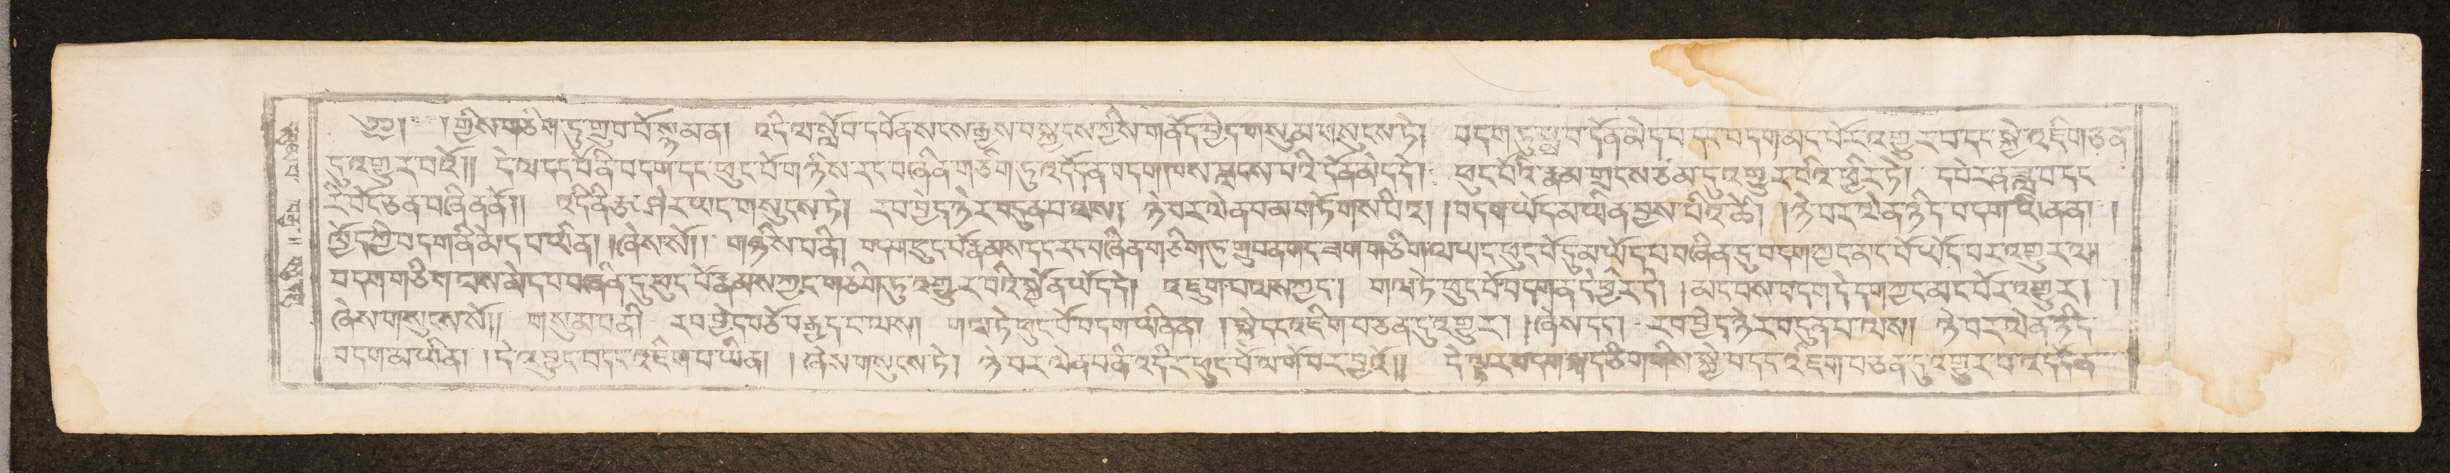༄༅། །གྱིས་གཅིག་ཏུ་གྲུབ་པོ་སྙམ་ན། འདི་ལ་སློབ་དཔོན་སངས་རྒྱས་བསྐྱངས་ཀྱིས་བྣོད་བྱེད་གསུམ་གསུངས་ཏེ། བདག་ཏུ་སྨྲ་བ་དོན་མེད་པ་དང་བདག་མང་པོར་འགྱུར་བ་དང་སྐྱེ་འཇིག་ཅན་
དུ་འགྱུར་བའོ།། དེ་ལ་དང་པོ་ནི་བདག་དང་ཕུང་པོ་གཉིས་རང་བཞིན་གཅིག་ཏུ་འདོད་ན་བདག་ཁས་བླངས་པའི་དོན་མེད་དེ། ཕུང་པོའི་རྣམ་གྲངས་ཙམ་དུ་འགྱུར་བའི་ཕྱིར་ཏེ། དཔེར་ན་ཟླ་བ་དང་
རི་བོང་ཅན་བཞིན་ནོ།། འདི་ནི་རྩ་ཤིང་ཡང་གསུངས་ཏེ། རབ་བྱེད་ཉེར་བདུན་པ་ལས། ཉེ་བར་ལེན་པ་མ་གཏོགས་པའི། །བདག་ཡོད་མ་ཡིན་བྱས་པའི་ཚེ། །ཉེ་བར་ལེན་ཉིད་བདག་ཡིན་ན། །
ཁྱོད་ཀྱི་བདག་ནི་མེད་པ་ཡིན། །ཞེས་སོ།། ཞེས་སོ།། གཉིས་པ་ནི། བདག་ཕུང་པོ་རྣམས་དང་རང་བཞིན་གཅིག་ཏུ་གྲུབ་ན་གང་ཟག་གཅིག་ལ་ཡང་ཕུང་པོ་དུ་མ་ཡོད་པ་བཞིན་དུ་བདག་ཀྱང་མང་པོ་ཡོད་པར་འགྱུར་ལ།
བདག་གཅིག་ལས་མེད་པ་བཞིན་དུ་ཕུང་པོ་རྣམས་ཀྱང་གཅིག་ཏུ་འགྱུར་བའི་སྐྱོན་ཡོད་དེ། འཇུག་པ་ལས་ཀྱང་། །གལ་ཏེ་ཕུང་པོ་བདག་ན་དེ་ཕྱིར་དེ། །མང་བས་བདག་དེ་དག་ཀྱང་མང་པོར་འགྱུར། །
ཞེས་གསུངས་སོ།། གསུམ་པ་ནི། རབ་བྱེད་བཅོ་བརྒྱད་པ་ལས། གལ་ཏེ་ཕུང་པོ་བདག་ཡིན་ན། །སྐྱེ་དང་འཇིག་པ་ཅན་དུ་འགྱུར། །ཞེས་དང་། རབ་བྱེད་ཉེར་བདུན་པ་ལས། ཉེ་བར་ལེན་ཉིད་
བདག་མ་ཡིན། །དེ་འབྱུང་བ་དང་འཇིག་པ་ཡིན། །ཞེས་གསུངས་ཏེ། ཉེ་བར་ལེན་པ་ནི་འདིར་ཕུང་པོ་ལ་གོ་བར་བྱའོ།། དེ་ལྟར་བདག་སྐད་གཅིག་གིས་སྐྱེ་བ་དང་འཇིག་པ་ཅན་དུ་འགྱུར་བ་འདོད་ན་